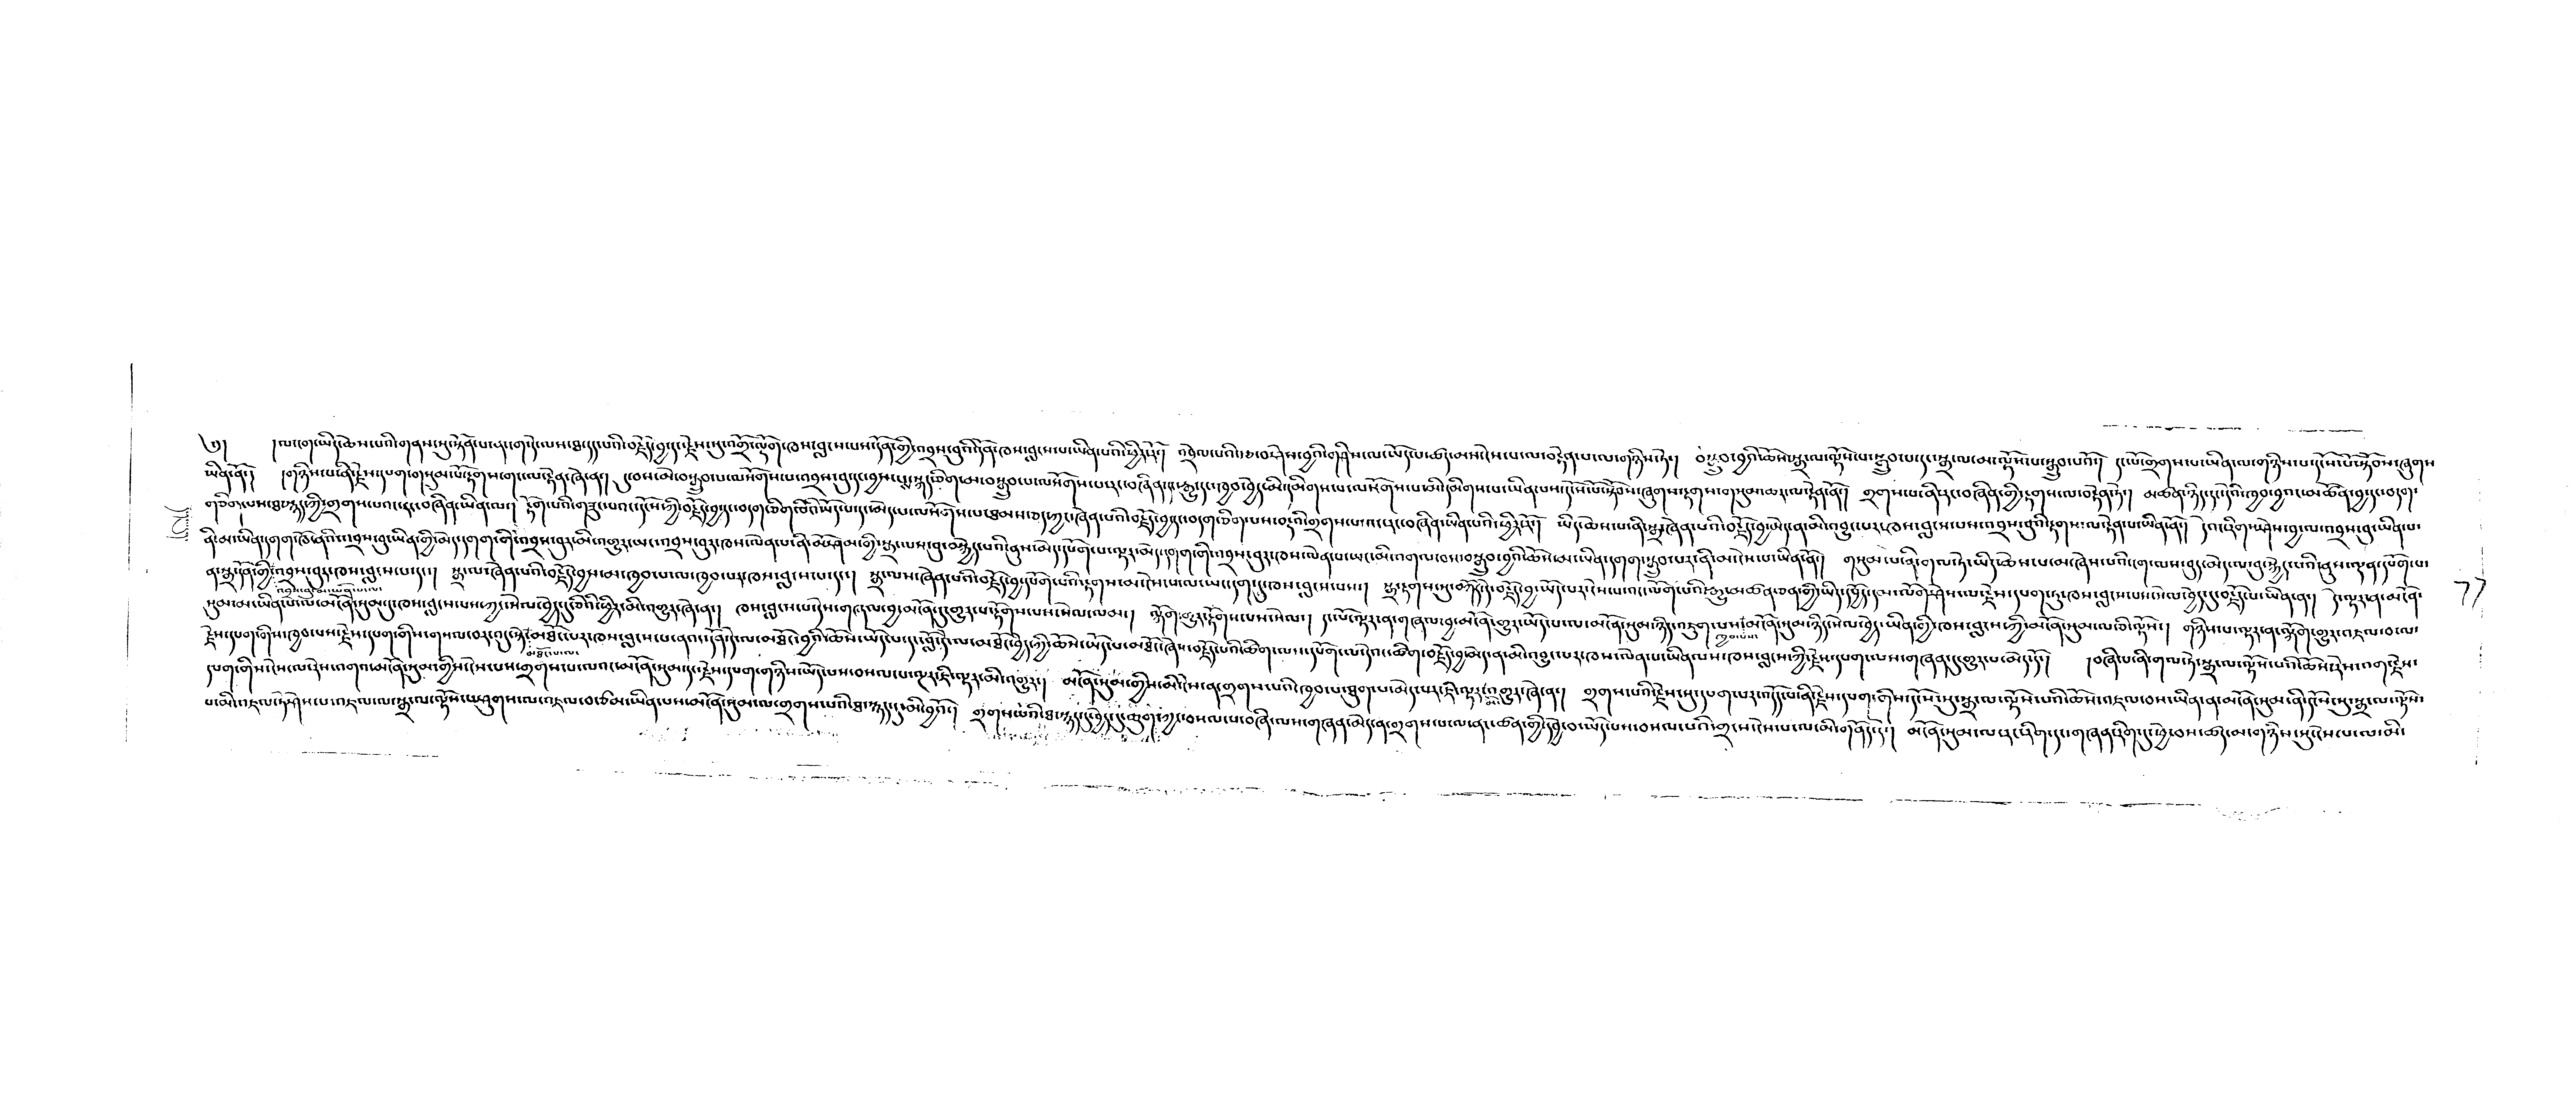༈། །ལ་ངག་ཡིད་ཆེས་པའི་གནས་སུ་སྟོན་པ་ན་ངག་དེ་ལས་ཐ་དད་པའི་བརྗོད་བྱ་དང་རྗེས་སུ་འགྲོ་ལྡོག་ཁས་བླངས་པས་དོན་གྱི་འབྲས་བུའི་དོན་ཁས་བླངས་པ་ཡིན་པའི་ཕྱིར་རོ། འབྲེལ་པའི་རྩ་བ་ཤེས་བྱའི་གཤིས་ལ་ཡོད་པ་ཚད་མས་ངེས་པ་ལ་བརྟེན་པ་ལ་གཉིས་ཏེ། བསྒྲུབ་བྱའི་ཆོས་སྒྲ་ལ་ལྟོས་པ་སྒྲུབ་པ་དང་སྒྲ་ལ་མ་ལྟོས་པ་སྒྲུབ་པའོ། དང་པོ་གྲགས་པ་ཡིན་ལ་གཉིས་པ་དངོས་པོ་སྟོབས་ཞུགས་
ཡིན་ནོ། །གཉིས་པ་ནི་རྗེས་དཔག་གསུམ་པོ་རྟགས་གང་ལ་རྟེན་ཞེ་ན། དུ་བས་མེ་བསྒྲུབ་པ་ལ་སོགས་པ་འབྲས་བུ་དང་བྱས་པས་སྐད་ཅིག་མ་བསྒྲུབ་པ་ལ་སོགས་པ་རང་བཞིན་དང་རྒྱུ་དང་ཁྱབ་བྱེད་མི་དམིགས་པ་ལ་སོགས་པ་མི་དམིགས་པ་ཡིན་པས་དངོས་པོ་སྟོབས་ཞུགས་རྟགས་གསུམ་ཆར་ལ་རྟེན་ནོ། གྲགས་པ་ནི་རང་བཞིན་གྱི་རྟགས་ལ་བརྟེན་ཏེ། མཚན་ཉིད་དང་དེའི་ཁྱབ་བྱའང་མཚོན་བྱ་དང་བདག་
གཅིག་པས་ཐ་སྙད་ཀྱི་གྲགས་པའང་རང་བཞིན་ཡིན་ལ། རྟོག་པའི་གཟུང་པའང་དངོས་ཀྱི་བརྗོད་བྱ་དང་བདག་ཅིག་ཅིའི་ཡོད་པ་དང་མེད་པ་ལ་སོགས་པ་ཐམས་ཅད་ཀྱང་ཞེན་པའི་བརྗོད་བྱ་དང་བདག་ཅིག་པས་བརྡའི་གྲགས་པ་འང་རང་བཞིན་ཡིན་པའི་ཕྱིར་རོ། ཡིད་ཆེས་པ་ནི་སྒྲ་ཞེན་པའི་བརྗོད་བྱ་མེད་ན་མི་འབྱུང་པར་ཁས་བླངས་པས་འབྲས་བུའི་རྟགས་ལ་རྟེན་པ་ཡིན་ནོ། དེའང་རིགས་ཤེས་བྱ་ལ་འབྲས་བུ་ཡིན་པ་
ནི་མ་ཡིན་དགག་ཁོ་ནའི་འབྲས་བུ་ཡིན་གྱི་མེད་དགག་གི་འབྲས་བུར་མི་འགྱུར་ཡང་འབྲས་བུར་ཁས་ལེན་པ་ནི་མོ་ཤམ་གྱི་སྒྲ་ལས་བུ་བསྐྱེད་པའི་ནུས་མེད་དཔོག་པ་ལྟར་མེད་དགག་གི་འབྲས་བུར་ཁས་ལེན་པ་ཡང་མི་འགལ་བས་བསྒྲུབ་བྱའི་ཆོས་མ་ཡིན་དགག་སྒྲུབ་པར་ནི་མ་ངེས་པ་ཡིན་ནོ། གསུམ་པ་ནི་གལ་ཏེ་ཡིད་ཆེས་པ་མ་ཞེས་པའི་ངག་ལས་བུད་མེད་ལ་བུ་སྐྱེད་པའི་ནུས་ལྡན་དཔོག་པ་
ན་སྒྲ་དོན་གྱི་འབྲས་བུ་མ་ཡིན་པ་ལ་འབྲས་བུར་ཁས་བླངས་པ་དང་། སྒྲ་ལ་ཞེན་པའི་བརྗོད་བྱས་མ་ཁྱབ་པ་ལ་ཁྱབ་པར་ཁས་བླངས་པ་དང་། སྒྲ་ལས་ཞེན་པའི་བརྗོད་བྱ་དཔོག་པའི་རྟགས་མ་ངེས་པ་ལ་ཡང་དག་དུ་ཁས་བླངས་པས། སྒྲ་རྟགས་སུ་བཀོད་དེ་བརྗོད་བྱ་ཡོད་པར་ངེས་པ་འང་ལོག་པའི་རྒྱུ་མཚན་ཅན་གྱི་ཡིད་དཔྱོད་དམ་ལོག་ཤེས་ལ་རྗེས་དཔག་ཏུ་ཁས་བླངས་པ་སེལ་བྱེད་དུ་བརྗོད་པ་ཡིན་ན། དེ་ལྟར་ན་མངོན་
སུམ་མ་ཡིན་པ་ལ་མངོན་སུམ་དུ་ཁས་བླངས་པས་ཀྱང་སེལ་བྱེད་དུ་ཅིའི་ཕྱིར་མི་འགྱུར་ཞེ་ན། ཁས་བླངས་པ་དེས་གཞལ་བྱ་མངོན་དུ་གྱུར་པ་རྟོགས་པས་སེལ་ལམ། ལྐོག་གྱུར་རྟོགས་པས་སེལ། དང་པོ་ལྟར་ན་གཞལ་བྱ་མངོན་གྱུར་ཡོད་པ་ལ་མངོན་སུམ་ཉིད་འཇུག་པས་ཁྱབ་པས་མངོན་སུམ་ཉིད་སེལ་བྱེད་ཡིན་གྱི་ཁས་བླངས་ཀྱི་མངོན་སུམ་ལ་ཅི་ལྟོས། གཉིས་པ་ལྟར་ན་ལྐོག་གྱུར་འཇལ་བ་ལ་
རྗེས་དཔག་གིས་ཁྱབ་པས་རྗེས་དཔག་གིས་གསལ་བར་འདུ་སྟེ་མཐོང་པ་ལ་མཐོང་པར་ཁས་བླངས་པ་ནའང་དོན་དེ་ལ་མཐོང་བྱའི་ཆོས་ཡོད་པ་དང་བློ་དེ་ལ་མཐོང་བྱེད་ཀྱི་ཆོས་ཡོད་པ་མཐོང་ཞེས་བརྗོད་པའི་ཚིག་ལས་དཔོག་ལ་དེའང་ཚིག་བརྗོད་བྱ་མེད་ན་མི་འབྱུང་པར་ཁས་ལེན་པ་ཡིན་པས་ཁས་བླངས་ཀྱི་རྗེས་དཔག་ལས་གཞན་དུ་གྱུར་པ་མེད་དོ། །བཞི་པ་ནི་གལ་ཏེ་སྒྲ་ལ་ལྟོས་པའི་ཆོས་རེས་འག་རྗེས་
དཔག་གིས་ངེས་ལ་རེས་འགའ་མངོན་སུམ་གྱིས་ངེས་པས་གྲགས་པ་ལའང་མངོན་སུམ་དང་རྗེས་དཔག་གཉིས་ཡོད་པས་བསལ་པ་ལྔར་ཇི་ལྟར་མི་འགྱུར། མངོན་སུམ་གྱིས་མི་ངེས་ན་གྲགས་པའི་ཁྱབ་པ་ཐུག་པ་མེད་པར་ཇི་ལྟར་མི་འགྱུར་ཞེ་ན། གྲགས་པའི་རྗེས་སུ་དཔག་པར་འདོད་པ་ནི་རྗེས་དཔག་གིས་དངོས་སུ་སྒྲ་ལ་ལྟོས་པའི་ཆོས་འཇལ་བས་ཡིན་ན་མངོན་སུམ་ནི་དངོས་སུ་སྒྲ་ལ་ལྟོས་
པ་མི་འཇལ་ཏེ་ཤེས་པ་འཇལ་ལ་སྒྲ་ལ་ལྟོས་པ་ཤུགས་ལ་འཇལ་བ་ཙམ་ཡིན་པས་མངོན་སུམ་ལ་གྲགས་པའི་ཐ་སྙད་དུ་མི་བྱའོ། གྲགས་པའི་ཐ་སྙད་དུ་བྱེད་དུ་ཆུག་ཀྱང་བསལ་པ་བཞི་ལས་གཞན་མེད་ན་གྲགས་པ་ལ་ནང་ཚན་གྱི་དབྱེ་བ་ཡོད་པས་བསལ་པའི་གྲངས་ངེས་པ་ལ་མི་གནོད་དེ། མངོན་སུམ་??་ངེས་པ་ལ་མི་